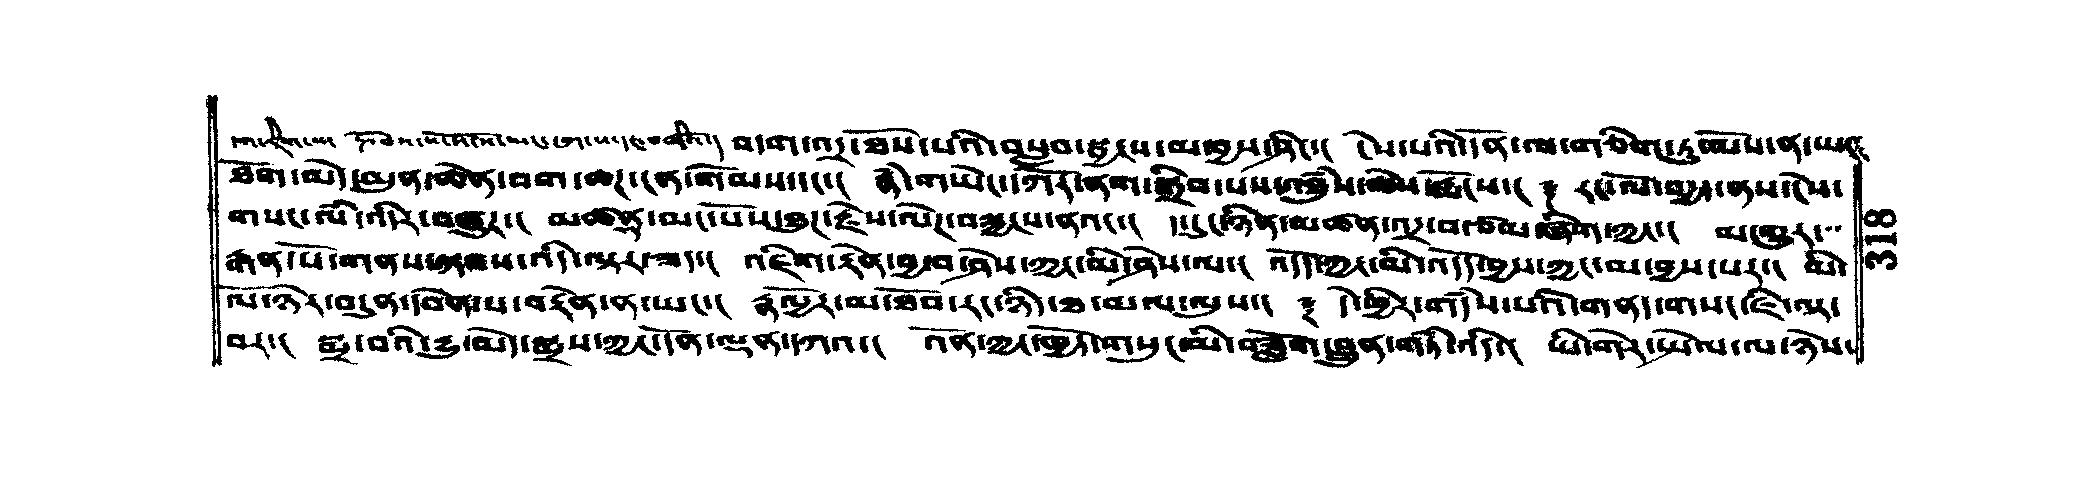།བདག་འདྲ་ཐོས་པའི་བསླབ་སྦྱངས་མ་བྱས་ཤིང་། །ངེས་པའི་དོན་ལ་གཅིག་ཏུ་མོས་ན་ཡང་། །
ཐོག་མེད་མུན་ཆེན་བག་ཆགས་ངན་གོམས་དང་། །རྣམ་གཡེང་དཀོར་ནག་སྒྲིབ་པས་འཐུམས་ཆེས་རྨོངས། །རང་ལོ་བརྒྱད་ནས་ངེས་
གསང་ལམ་འདིར་ཞུགས། །མཚན་ལྡན་མང་པོས་ཐུགས་རྗེས་ལེགས་བསྐྱངས་ནའང་། །ད་དུང་ཉིན་མཚན་འདྲ་བ་ཙམ་ཞིག་ཀྱང་། །མ་གྱུར་
རྒན་པོའི་གནས་སྐབས་འདི་ལྟར་ཟད། །འཇིག་རྟེན་བྱ་བ་ཤེས་ཀྱང་མི་ཤེས་ལ། །འདོད་ཀྱང་མི་འདོད་བྱས་ཀྱང་མ་བྱས་པར། །མི་
ལོ་ཉེར་བདུན་དབེན་པ་བརྟེན་ན་ཡང་། །རྣལ་འབྱོར་མ་ཐོབ་རང་ཉིད་ཐ་མལ་ལུས། །དེ་ཕྱིར་གདམས་པའི་གནད་གསང་ཇི་ལྟ་
བར། །སྨྲ་བའི་རྒྱུ་མེད་སྨྲས་ཀྱང་དོན་ལྡན་དཀའ། །འོན་ཀྱང་ཁྱོད་གསུང་མི་བཟློག་བླུན་གཏམ་འདི། །ཡི་གེར་སྤེལ་ལ་ཉེས་